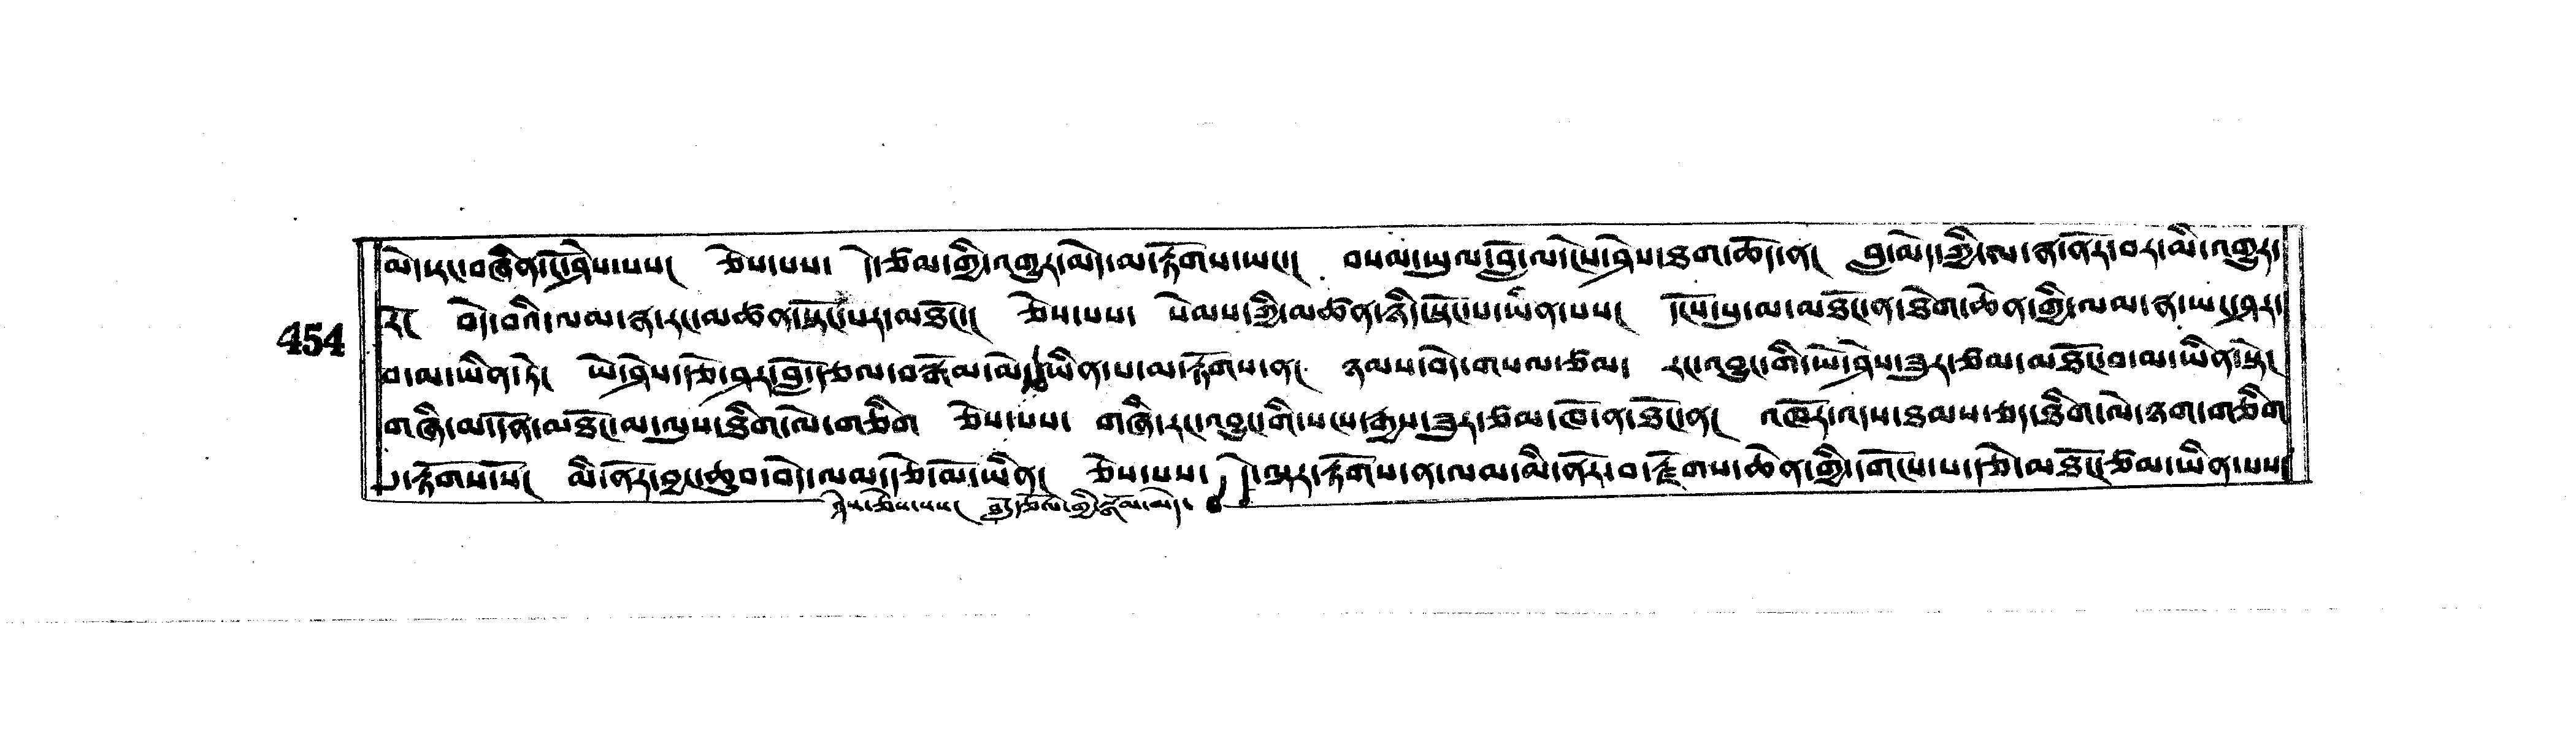མེད་རང་བཞིན་ངོ་ཤེས་པས། ཅེས་པས། དེ་ཙམ་གྱི་འགྱུར་མེད་མ་རྟོགས་ཀྱང་། བསམ་ཡུལ་བློ་ལ་ངེས་ཤེས་ཐག་ཆོད་ན། བླ་མེད་ཀྱི་ལམ་སྣ་ནོར་བར་མི་འགྱུར་
རོ། བདེ་བའི་ལམ་སྣ་རང་མཚན་སྟོང་པར་མཐོང་། ཅེས་པས། སེམས་ཀྱི་མཚན་ཉིད་སྟོང་པ་ཡིན་པས། དངོས་སུ་མ་མཐོང་ན་ཐེག་ཆེན་གྱི་ལམ་སྣ་ཡང་ཤར་
བ་མ་ཡིན་ཏེ། ཡེ་ཤེས་རྩེ་ཤར་བློ་རྩལ་སྒོམ་མེད་ཤེས། ཅེས་པས། བློ་རྩོལ་གྱི་སྒོམ་མེད་ཡིན་པ་མ་རྟོགས་ན། ཉམས་བདེ་གསལ་ཙམ་རང་འབྱུང་གི་ཡེ་ཤེས་ཟུར་ཙམ་མཐོང་བ་མ་ཡིན་ཏེ། 
གཞི་མ་དོན་མཐོང་མ་ལུས་ཐིག་ལེ་གཅིག ཅེས་པས། གཞི་རང་འབྱུང་གི་སངས་རྒྱས་ཟུར་ཙམ་ཁོ་ན་མཐོང་ན། འཁོར་འདས་ཐམས་ཅད་ཐིག་ལེ་ཉག་གཅིག་
ཏུ་རྟོགས་སོ། མི་ནོར་བྱང་ཆུབ་བདེ་ལམ་རྩེ་མོ་ཡིན། ཅེས་པས། དེ་ལྟར་རྟོགས་ན་ལམ་མི་ནོར་བ་རྫོགས་ཆེན་གྱི་དགོངས་པ་རྩེ་མཐོང་ཙམ་ཡིན་པས་